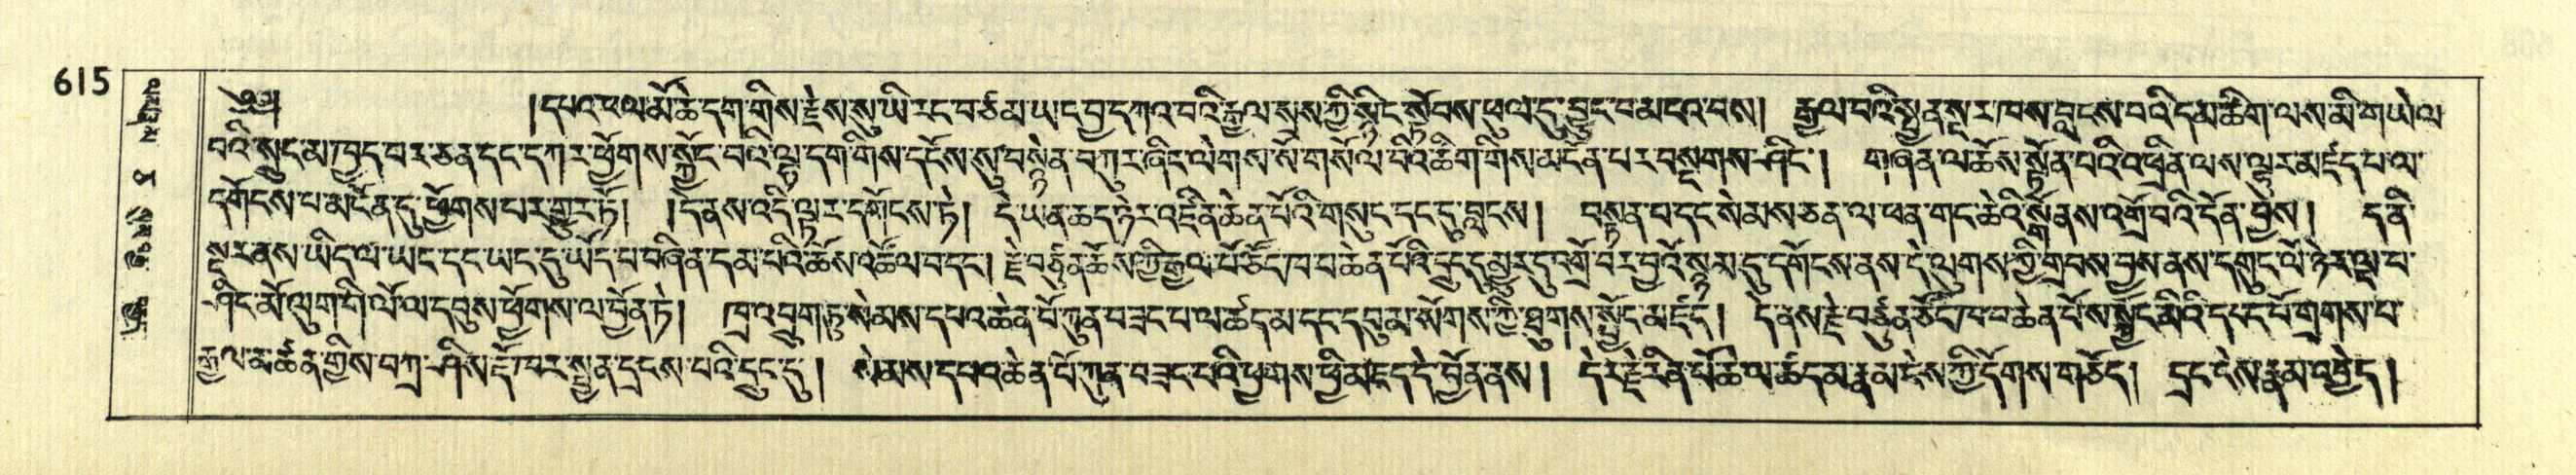༄༅། །དཔའ་ཕལ་མོ་ཆེ་དག་གིས་རྗེས་སུ་ཡི་རང་བ་ཙམ་ཡང་བྱ་དཀའ་བའི་རྒྱལ་སྲས་ཀྱི་སྙིང་སྟོབས་ཕུལ་དུ་བྱུང་བ་མངའ་བས། རྒྱལ་བའི་སྤྱན་སྔར་ཁས་བླངས་པའི་དམ་ཚིག་ལས་མི་གཡེལ་
བའི་སྲུང་མ་ཁྱད་བར་ཅན་དང་དཀར་ཕྱོགས་སྐྱོང་བའི་ལྷ་དག་གིས་དངོས་སུ་བསྙེན་བཀུར་ཞིང་ལེགས་སོ་གསོལ་བའི་ཚིག་གིས་མངོན་པར་བསྔགས་ཤིང་། གཞན་ལ་ཆོས་སྟོན་པའི་འཕྲིན་ལས་ལྷུར་མཛད་པ་ལ་
དགོངས་པ་མངོན་དུ་ཕྱོགས་པར་གྱུར་ཏོ། །དེ་ནས་འདི་ལྟར་དགོངས་ཏེ། དེ་ཡན་ཆད་ཉེར་འཛིན་ཆེན་པོའི་གསུང་དང་དུ་བླངས། བསྟན་པ་དང་སེམས་ཅན་ལ་ཕན་གང་ཆེའི་སྒོ་ནས་འགྲོ་བའི་དོན་བྱས། ད་ནི་
སྔར་ནས་ཡིད་ལ་ཡང་དང་ཡང་དུ་ཡོད་པ་བཞིན་དམ་པའི་ཆོས་འཚོལ་བ་དང་། རྗེ་བཙུན་ཆོས་ཀྱི་རྒྱལ་པོ་ཙོང་ཁ་པ་ཆེན་པོའི་དྲུང་དུ་མྱུར་དུ་འགྲོ་བར་བྱའོ་སྙམ་དུ་དགོངས་ནས་དེ་ལུགས་ཀྱི་གྲབས་བྱས་ནས་དགུང་ལོ་ཉེར་ལྔ་པ་
ཤིང་མོ་ལུག་གི་ལོ་ལ་དབུས་ཕྱོགས་ལ་བྱོན་ཏེ། ཁྲ་འབྲུག་ཏུ་སེམས་དཔའ་ཆེན་པོ་ཀུན་བཟང་པ་ལ་ཚད་མ་དང་དབུམ་སོགས་ཀྱི་ཐུགས་སྤྱོད་མཛད། དེ་ནས་རྗེ་བཙུན་ཙོང་ཁ་བ་ཆེན་པོས་སྐྱོང་མིའི་དཔང་པོ་གྲགས་པ་
རྒྱལ་མཚན་གྱིས་བཀྲ་ཤིས་རྡོ་ཁར་སྤྱན་དྲངས་པའི་དྲུང་དུ། སེམས་དཔའ་ཆེན་པོ་ཀུན་བཟང་པའི་ཕྱགས་ཕྱི་མཇད་དེ་བྱོན་ནས། དེར་རྗེ་རིན་པོ་ཆེ་ལ་ཚད་མ་རྣམ་ངེས་ཀྱི་དོགས་གཅོད། དྲང་ངེས་རྣམ་འབྱེད།